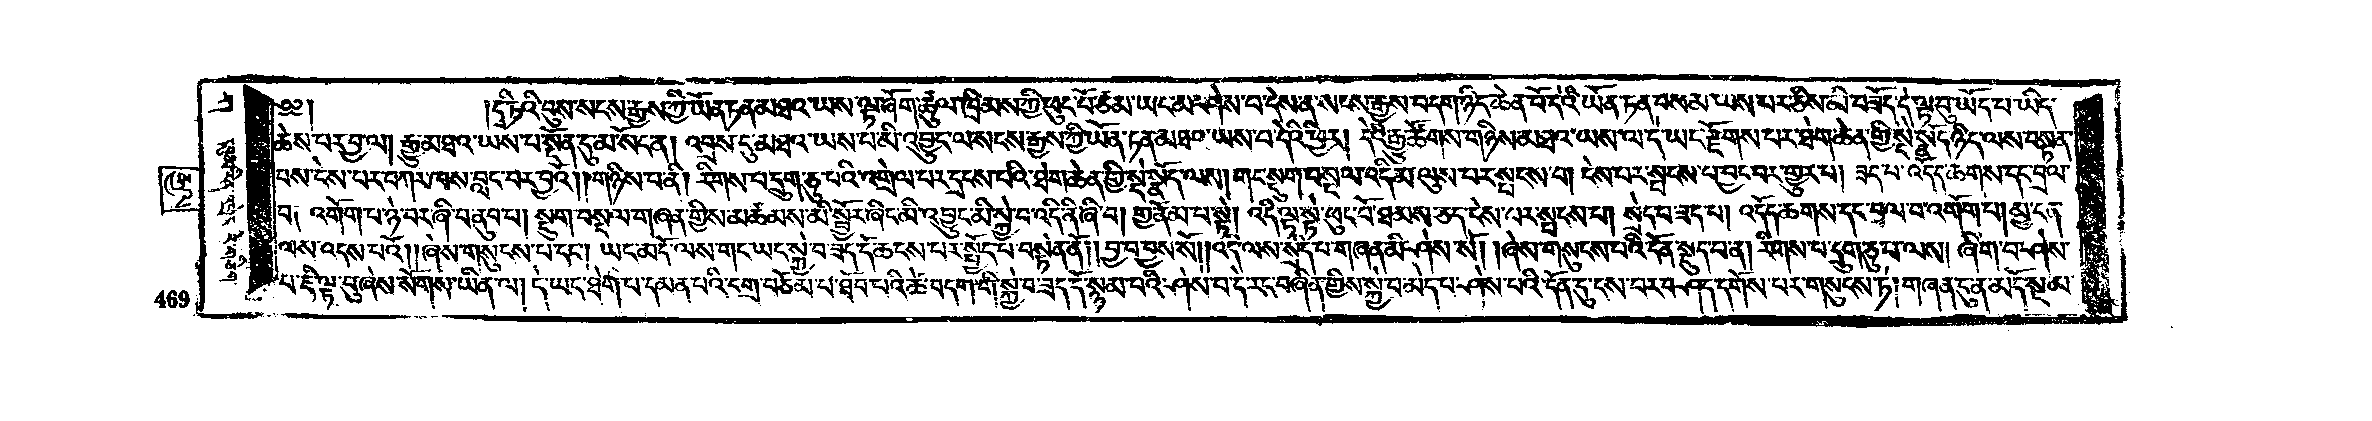༄༅། །དྭ་ཏིའི་བུས་སངས་རྒྱས་ཀྱི་ཡོན་ཏན་མཐའ་ཡས་ལྟ་ཞོག་ཚུལ་ཁྲིམས་ཀྱི་ཕུང་པོ་ཙམ་ཡང་མ་ཤེས་པ་དེས་ན་སངས་རྒྱས་བདག་ཉིད་ཆེན་པོ་དེའི་ཡོན་ཏན་བསམ་ཡས་པར་ཅིས་མི་བཟོད་དེ་ལྟ་བུ་ཡོད་པ་ཡིད་
ཆེས་པར་བྱ་ལ། རྒྱུ་མཐའ་ཡས་པ་སྔོན་དུ་མ་སོང་ན། འབྲས་དུ་མཐའ་ཡས་པ་མི་འབྱུང་ལ་སངས་རྒྱས་ཀྱི་ཡོན་ཏན་མཐའ་ཡས་པ་དེའི་ཕྱིར། དེའི་རྒྱུ་ཚོགས་པ་གཉིས་མཐའ་ཡས་ལ་དེ་ཡང་རྫོགས་པར་ཐེག་ཆེན་གྱི་སྡེ་སྣོད་ཉིད་ལས་བསྟན་
པས་ངེས་པར་བཀར་ཁས་བླང་བར་བྱའོ། །གཉིས་པ་ནི། རིགས་པ་དྲུག་ཅུ་པའི་འགྲེལ་པར་དྲངས་པའི་ཐེག་ཆེན་གྱི་སྡེ་སྣོད་ལས། གང་སྡུག་བསྔལ་འདི་མ་ལུས་པར་སྤངས་པ། ངེས་པར་སྤངས་པ་བྱང་བར་གྱུར་པ། ཟད་པ་འདོད་ཆགས་དང་བྲལ་
བ། འགོག་པ་ཉེ་བར་ཞི་བ་ནུབ་པ། སྡུག་བསྔལ་གཞན་གྱིས་མཚམས་མི་སྦྱོར་ཞིང་མི་འབྱུང་མི་སྐྱེ་བ་འདི་ནི་ཞི་བ། གྱ་ནོམ་པ་སྟེ། འདི་ལྟ་སྟེ་ཕུང་པོ་ཐམས་ཅད་ངེས་པར་སྤངས་པ། སྲེད་པ་ཟད་པ། འདོད་ཆགས་དང་བྲལ་བ་འགོག་པ། མྱ་ངན་
ལས་འདས་པའོ། །ཞེས་གསུངས་པ་དང་། ཡང་མདོ་ལས་གང་ཡང་སྐྱེ་བ་ཟད་དོ་ཆངས་པར་སྤྱོད་པ་བསྟེན་ནོ། །བྱ་བ་བྱས་སོ། །འདི་ལས་སྲིད་པ་གཞན་མི་ཤེས་སོ། །ཞེས་གསུངས་པའི་དོན་སྡུད་པ་ན། རིགས་པ་དྲུག་ཅུ་པ་ལས། ཞིག་པ་ཤེས་
པ་ཇི་ལྟ་བུ་ཞེས་སོགས་ཡིན་ལ། དེ་ཡང་ཐེག་པ་དམན་པའི་དགྲ་བཅོམ་པ་ཐོབ་པའི་ཚེ་བདག་གི་སྐྱེ་བ་ཟད་དོ་སྙམ་པའི་ཤེས་པ་དེ་རང་བཞིན་གྱིས་སྐྱེ་བ་མེད་པ་ཤེས་པའི་དོན་དུ་ངས་པར་བཤད་དགོས་པར་གསུངས་ཏེ། གཞན་དུ་ན་མདོ་སྔ་མ་